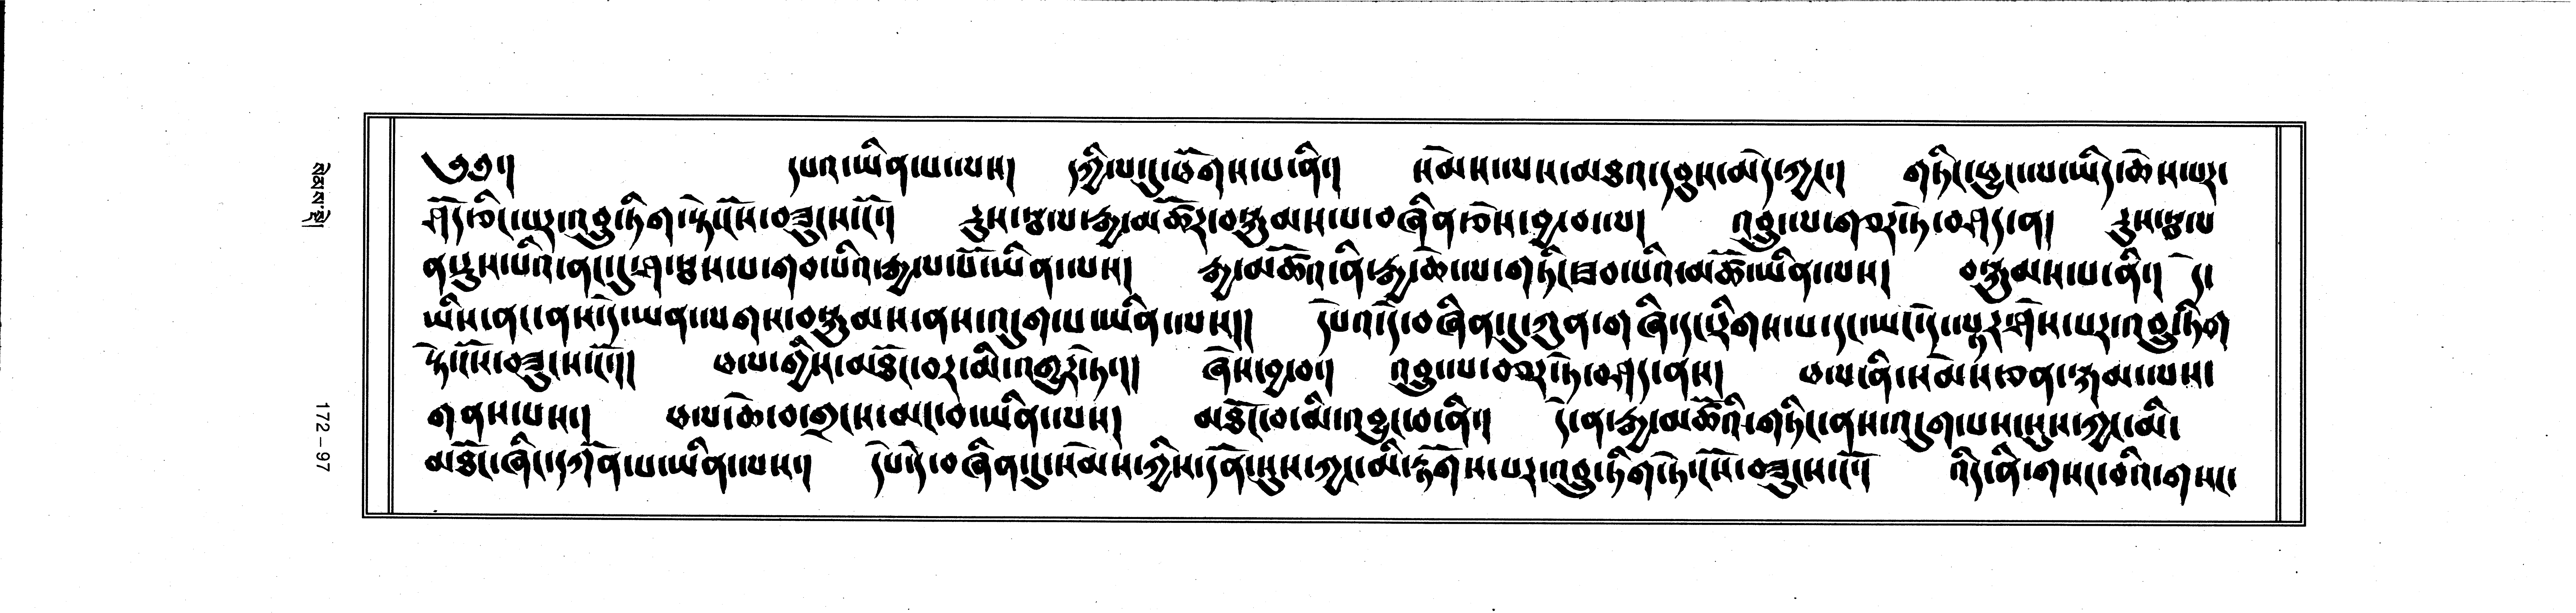དཔའ་ཡིན་པ་ལས། དཀྱིལ་དུ་ཕོགས་པ་ནི། སེམས་ལས་མཐའ་དབུས་མེད་ཀྱང་། གཏིང་ཕྱུང་ལ་ཡིད་ཆེས་པར་
ཤོད་ཅིང་པར་འབྲུ་ཏིག་སྟེ་ངོས་བཟུང་ངོ་། རུས་སྦལ་རྒྱ་མཚོར་བསྐུམས་པ་བཞིན་ཅེས་བྱ་བ་ལ། འབྲུ་ལ་གཅར་ཏེ་བཤད་ན། རུས་སྦལ་
ན་རུས་པའི་ནང་དུ་ཤ་སྦས་པ་གབ་པའི་རྒྱལ་པོ་ཡིན་ལས། རྒྱ་མཚོའ་ནི་རྒྱ་ཆེ་ལ་གཏིང་ཟབ་པའི་མཚོ་ཡིན་ལས། བསྐུམས་པ་ནི། དེ་
ཡིན་ནང་ནས་དེ་ཡན་ལག་བསྐུམ་ནས་འདུག་པ་ཡིན་ལས། དཔེའ་དེ་བཞིན་དུ་ཀུན་གཞི་དང་རིགས་པ་དང་ཡང་དེ་ལྟར་ཤེས་པར་འབྲུ་ཏིག་
སྟེ་ངོས་བཟུངས་ངོ་། ཕལ་གྱིས་མཐོང་བར་མི་འགྱུར་ཏེ། ཞེས་བྱ་བ། འབྲུ་ལ་བཅར་ཏེ་བཤད་ནས། ཕལ་ནི་སེམས་ཅན་སྐམ་ལས་
གནས་པས་། ཕལ་ཆེ་བ་གྲངས་མང་བ་ཡིན་ལས། མཐོང་བ་མི་འབྱུང་བ་ནི། དེ་ན་རྒྱ་མཚོའི་གཏིང་ནས་འདུག་པས་སུས་ཀྱང་མི་
མཐོང་ཞིང་དཀོན་པ་ཡིན་ལས། དཔེ་དེ་བཞིན་དུ་སེམས་ཀྱིས་དོན་སུས་ཀྱང་མི་རྟོགས་པར་འབྲུ་ཏིག་ཏེ་ངོས་བཟུངས་ངོ་། འདི་ན་གསང་བའི་གསང་